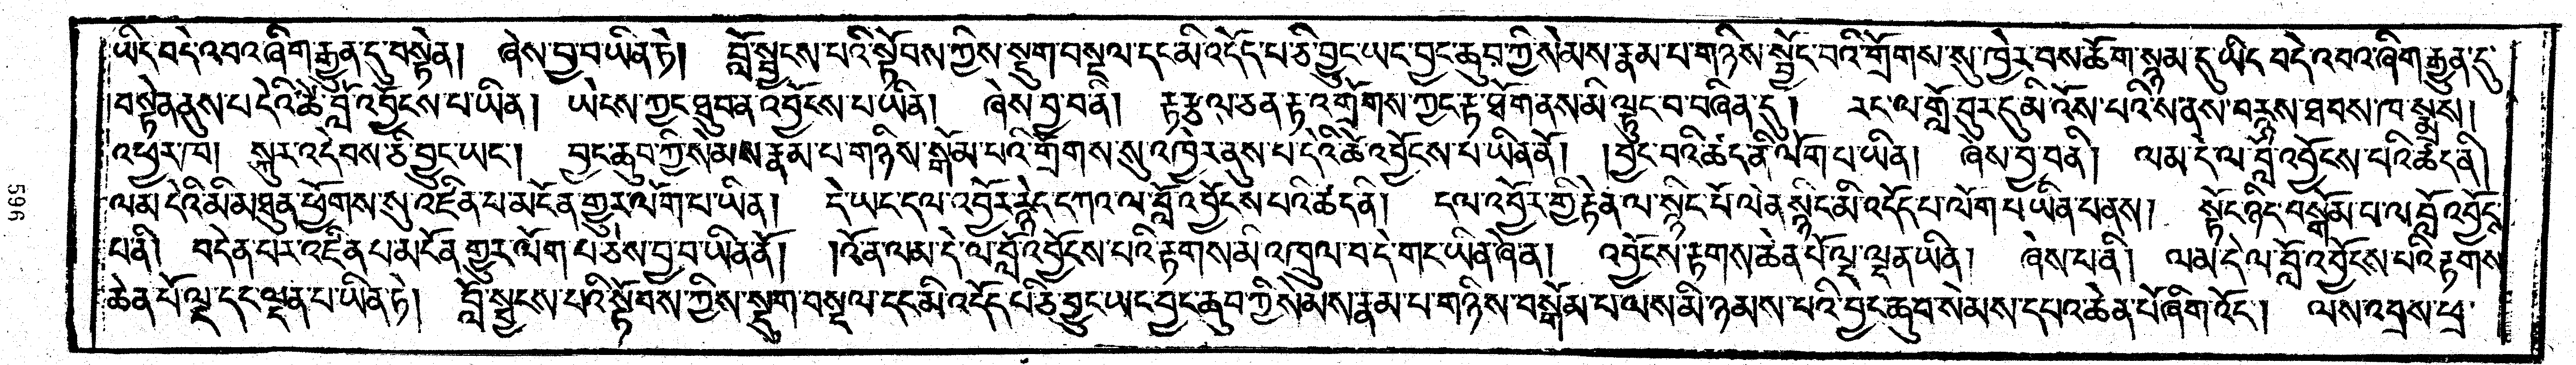ཡིད་བདེ་འབའ་ཞིག་རྒྱུན་དུ་བསྟེན། ཞེས་བྱ་བ་ཡིན་ཏེ། བློ་སྦྱངས་པའི་སྟོབས་ཀྱིས་སྡུག་བསྔལ་དང་མི་འདོད་པ་ཅི་བྱུང་ཡང་བྱང་ཆུབ་ཀྱི་སེམས་རྣམ་པ་གཉིས་སྦྱོང་བའི་གྲོགས་སུ་ཁྱེར་བས་ཆོ་ག་སྙམ་དུ་ཡིད་བདེ་འབའ་ཞིག་རྒྱུན་དུ་
བསྟེན་ནུས་བདེའི་ཚེ་བློ་འབྱོངས་པ་ཡིན། ཡེངས་ཀྱང་ཐུབ་ན་འབྱོངས་པ་ཡིན། ཞེས་བྱ་བ་ནི། རྟ་རྩལ་ཅན་རྟ་འགྲོགས་ཀྱང་རྟ་ཐོག་ནས་མི་ལྟུང་བ་བཞིན་དུ། རང་ལ་གློ་བུར་དུ་མི་འོས་པའི་ས་ནས་བརྙས་ཐབས་ཁ་སྨྲས།
འཕྱར་ཁ། སྐུར་འདེབས་ཅི་བྱུང་ཡང་། བྱང་ཆུབ་ཀྱི་སེམས་རྣམ་པ་གཉིས་སྒོམ་པའི་གྲོགས་སུ་འཁྱེར་ནུས་པ་དེའི་ཚེ་འབྱོངས་པ་ཡིན་ནོ། །བྱང་བའི་ཚད་ནི་ལོག་པ་ཡིན། ཞེས་བྱ་བ་ནི། ལམ་དེ་ལ་བློ་འབྱོངས་པའི་ཚད་ནི།
ལམ་དེའི་མི་མཐུན་ཕྱོགས་སུ་འཛིན་པ་མངོན་གྱུར་ལོག་པ་ཡིན། དེ་ཡང་དལ་འབྱོར་རྙེད་དཀའ་ལ་བློ་འབྱོངས་པའི་ཚད་ནི། དལ་འབྱོར་གྱི་རྟེན་ལ་སྙིང་པོ་ལེན་སྙིང་མི་འདོད་པ་ལོག་པ་ཡིན་པ་ནས། སྟོང་ཉིད་བསྒོམ་པ་ལ་བློ་འབྱོངས་
པ་ནི། བདེན་པར་འཛིན་པ་མངོན་གྱུར་ལོག་པ་ཅེས་བྱ་བ་ཡིན་ནོ། །འོ་ན་ལམ་དེ་ལ་བློ་འབྱོངས་པའི་རྟགས་མི་འཁྲུལ་བ་དེ་གང་ཡིན་ཞེ་ན། འབྱོངས་རྟགས་ཆེན་པོ་ལྔ་ལྡན་ཡིན། ཞེས་པ་ནི། ལམ་དེ་ལ་བློ་འབྱོངས་པའི་རྟགས་
ཆེན་པོ་ལྔ་དང་ལྡན་པ་ཡིན་ཏེ། བློ་སྦྱངས་པའི་སྟོབས་ཀྱིས་སྡུག་བསྔལ་དང་མི་འདོད་པ་ཅི་བྱུང་ཡང་བྱང་ཆུབ་ཀྱི་སེམས་རྣམ་པ་གཉིས་བསྒོམ་པ་ལས་མི་ཉམས་པའི་བྱང་ཆུབ་སེམས་དཔའ་ཆེན་པོ་ཞིག་འོད། ལས་འབྲས་ཕྲ་